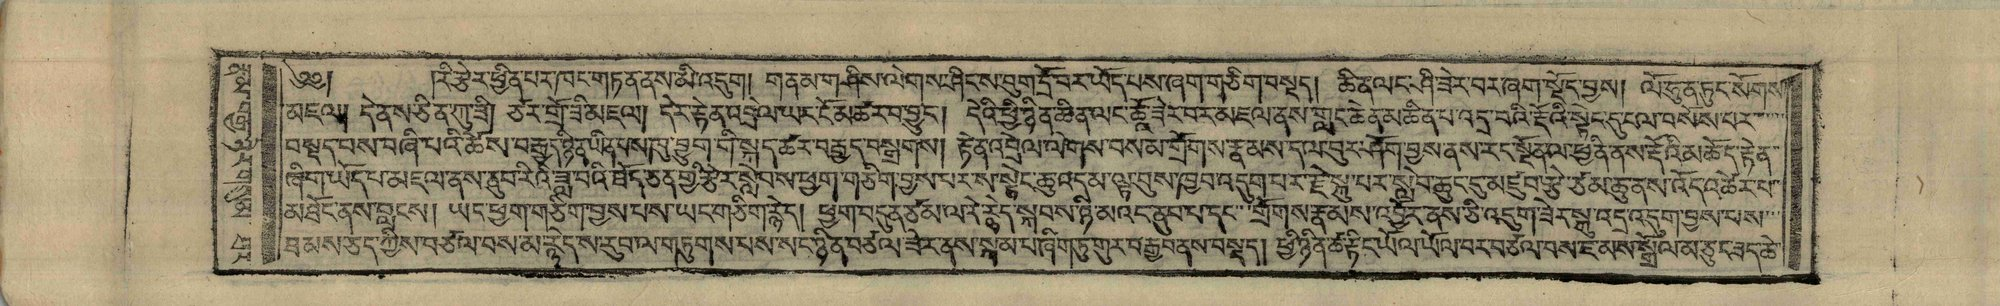༄༅། །རི་རྩེར་ཕྱིན་པར་ཁང་གཏན་ནས་མི་འདུག ། གནམ་གཤིས་ལེགས་ཤིང་ས་བུག་དྲོ་བར་ཡོད་པས་ཞག་གཅིག་བསྡད། ཆིན་ལང་ཤི་ཟེར་བར་ཞག་སྡོད་བྱས། ལོ་ཧུན་ཏུང་སོགས་
མཇལ༑ དེ་ནས་ཅིན་ཀུ་ཟི། ཙར་གྲོ་ཟི་མཇལ། དེར་རྟེན་འབྲེལ་ཡང་ངོ་མཚར་བ་བྱུང་། དེའི་ཕྱི་ཉིན་ཆིན་ལང་འཚོ་ཟེར་བར་མཇལ་ནས་གླང་ཆེན་མཆིན་པ་འདྲ་བའི་རྡོའི་སྟེང་དུ་ངལ་བསོས་པར་
བསྡད་པས་བཞི་པའི་ཚེས་བརྒྱད་ཉིན་ཡིན་པས་ཁུ་བྱུག་གི་སྐད་ཚར་བརྒྱད་བསྒྲགས། རྟེན་འབྲེལ་ལེགས་བསམ་གྲོགས་རྣམས་དལ་བུར་ཤོག་བྱས་ནས་རང་སྔོན་ལ་ཕྱིན་ནས་རྡོའི་མཆོད་རྟེན་
ཞིག་ཡོད་པ་མཇལ་ནས་ནུབ་རིའི་ཟླ་བའི་ཐོད་ཅན་གྱི་རྩེར་སླེབས་ཕྱག་གཅིག་བྱས་པར་ས་སྟེང་ཆུ་འདམ་ལྟ་བུས་ཁྱབ་འདུག་པར་རྗེ་སྐུ་པར་སླེབ་ཆུང་ངུ་མཛུབ་རྩེ་ཙམ་ཆུ་ནས་འོད་འཚེར་པ་
མཐོང་ནས་བླངས། ཡང་ཕྱག་གཅིག་བྱས་པས་ཡང་གཅིག་རྙེད། ཕྱག་བདུན་ཙམ་ལ་རེ་རྙེད་སྐབས་ཉི་མའང་ནུབ་པ་དང་གྲོགས་རྣམས་འབྱོར་ནས་ཅི་འདུག་ཟེར་སྐུ་འདྲ་འདུག་བྱས་པས་
ཐམས་ཅད་ཀྱིས་བཙལ་བས་མ་རྙེད་ས་རུབ་ལ་གཏུགས་པས་སང་ཉིན་བཙལ་ཟེར་ནས་སྐམ་པ་ཞིག་ཏུ་གུར་བརྒྱབ་ནས་བསྡད། ཕྱི་ཉིན་ཚ་རྟིང་ཡོལ་ཡོལ་པར་བཙལ་བས་ཇ་མས་སྒྲོལ་མ་ཅུང་ཟད་ཆེ་